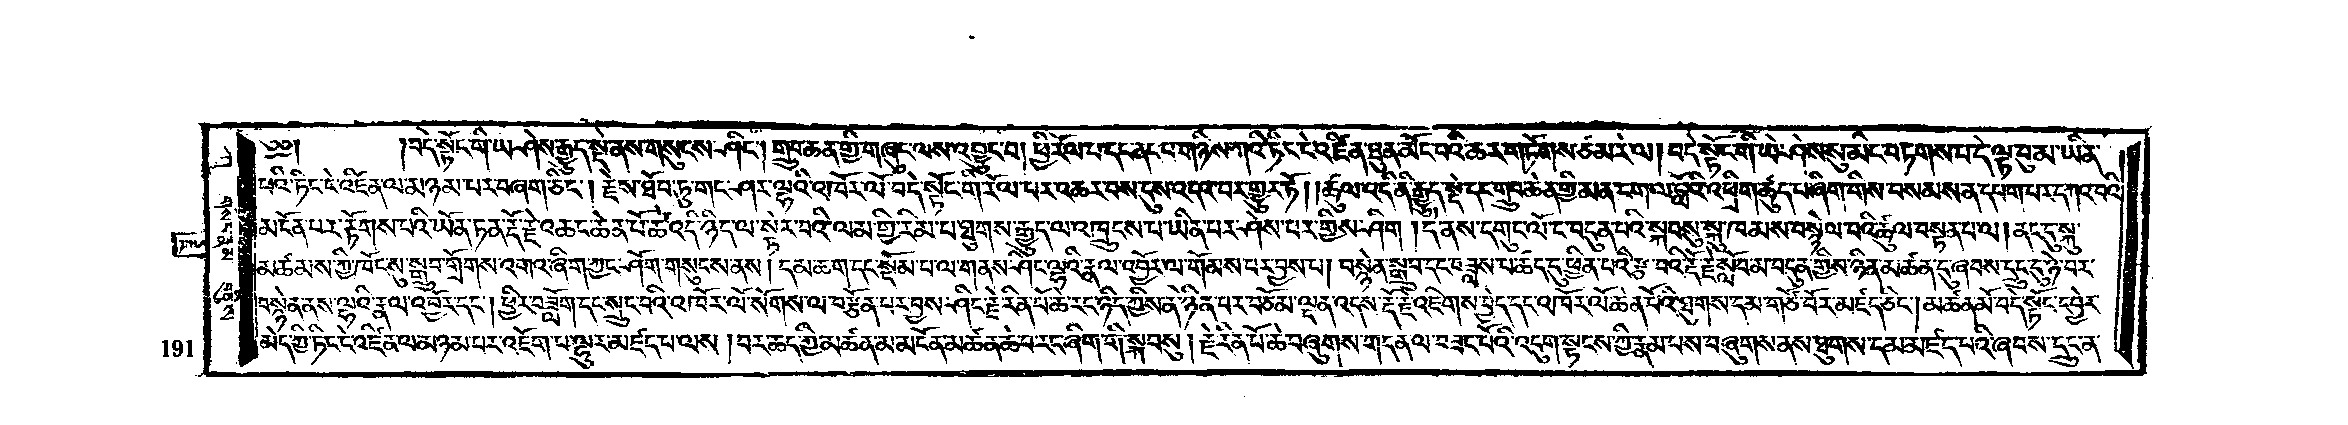༄༅། །བདེ་སྟོང་གི་ཡེ་ཤེས་རྒྱུད་སྡེ་ནས་གསུངས་ཤིང་། གྲུབ་ཆེན་གྱི་གཞུང་ལས་འབྱུང་བ། ཕྱི་རོལ་པ་དང་ནང་པ་གཉིས་ཀའི་ཏིང་ངེ་འཛིན་ཐུན་མོང་བའི་ཆར་གཏོགས་ཙམ་རེ་ལ། བདེ་སྟོང་གི་ཡེ་ཤེས་སུ་མིང་བཏགས་པ་དེ་ལྟ་བུ་མ་ཡིན་
པའི་ཏིང་ངེ་འཛིན་ལ་མཉམ་པར་བཞག་ཅིང་། རྗེས་ཐོབ་ཏུ་གང་ཤར་ལྷའི་འཁོར་ལོ་བདེ་སྟོང་གི་རོལ་པར་འཆར་བས་དུས་འདའ་བར་གྱུར་ཏོ། །ཚུལ་འདི་ནི་རྒྱུད་སྡེ་དང་གྲུབ་ཆེན་གྱི་མན་ངག་ལ་བློའི་འཕྲིག་ཚུད་པ་ཞིག་གིས་བསམས་ན་དཔག་པར་དཀའ་བའི་
མངོན་པར་རྟོགས་པའི་ཡོན་ཏན་རྡོ་རྗེ་འཆང་ཆེན་པོ་ཚེ་འདི་ཉིད་ལ་སྟེར་བའི་ལམ་གྱི་རིམ་པ་ཐུགས་རྒྱུད་ལ་འཁྲུངས་པ་ཡིན་པར་ཤེས་པར་གྱིས་ཤིག །དེ་ནས་དགུང་ལོང་བདུན་པའི་སྐབས་སུ་སྐུ་ཁམས་བསྙེལ་བའི་ཚུལ་བསྟན་པ་ལ། ནང་དུ་སྐུ་
མཚམས་ཀྱི་ཁོངས་སྒྲུབ་གྲོགས་འགའ་ཞིག་ཀྱང་ཤོག་གསུངས་ནས། དམ་ཆག་དང་སྡོམ་པ་ལ་གནས་ཤིང་ལྷའི་རྣལ་འབྱོར་ལ་གོམས་པར་བྱས་པ། བསྙེན་སྒྲུབ་དང་བཟླས་པ་ཚད་དུ་ཕྱིན་པའི་རྩ་བའི་རྡོ་རྗེ་སློབ་མ་བདུན་གྱིས་ཉིན་མཚན་དུ་ཞབས་དྲུང་དུ་ཉེ་བར་
བསྙེན་ནས་ལྷའི་རྣལ་འབྱོར་དང་། ཕྱིར་བཟློག་དང་སྲུང་བའི་འཁོར་ལོ་སོགས་ལ་བརྩོན་པར་བྱས་ཤིང་རྗེ་རིན་པོ་ཆེ་རང་ཉིད་ཀྱིས་ནེ་ཉིན་པར་བཅོམ་ལྡན་འདས་རྡོ་རྗེ་འཇིགས་བྱེད་དང་འཁོར་ལོ་ཆེན་པོའི་ཐུགས་དམ་གཙོ་བོར་མཛད་ཅིང་། མཚན་མོ་བདེ་སྟོང་དབྱེར་
མེད་ཀྱི་ཏིང་ངེ་འཛིན་ལ་མཉམ་པར་འཇོག་པ་ལྷུར་མཛད་པ་ལས། བར་ཆད་ཀྱི་མཚན་མ་མངོན་མཚན་ཆེ་བ་རང་ཞིག་གི་སྐབས་སུ། རྗེ་རིན་པོ་ཆེ་བཞུགས་གདན་ལ་བཟང་པོའི་འདུག་སྟངས་ཀྱི་རྣམ་པས་བཞུགས་ནས་ཐུགས་དམ་མཛད་པའི་ཞབས་དྲུང་ན་